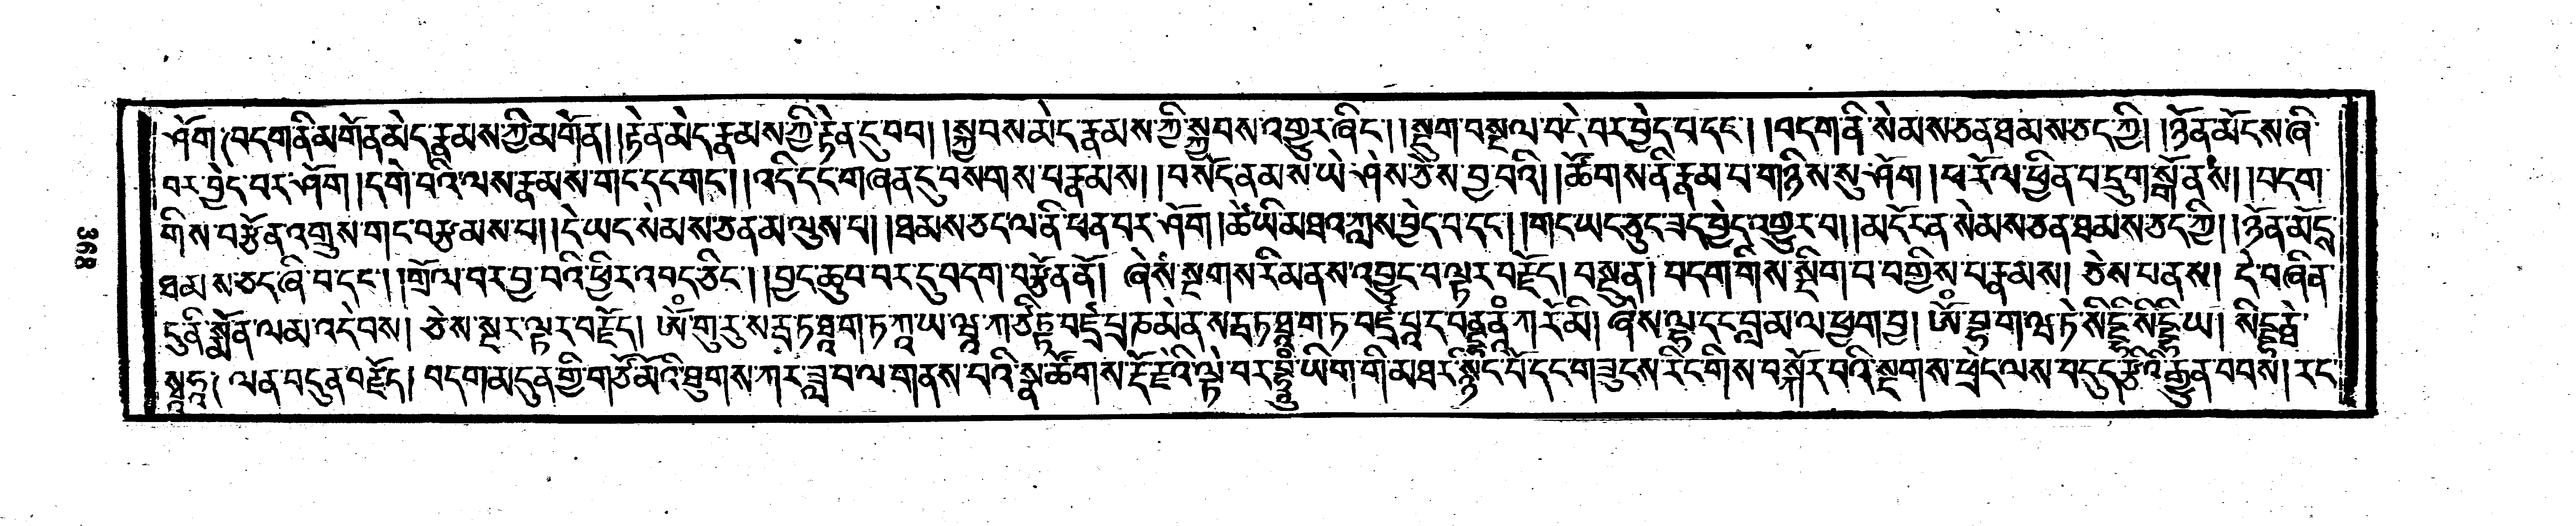ཤོག །བདག་ནི་མགོན་མེད་རྣམས་ཀྱི་མགོན། །རྟེན་མེད་རྣམས་ཀྱི་རྟེན་དུ་བབ། །སྐྱབས་མེད་རྣམས་ཀྱི་སྐྱབས་འགྱུར་ཞིང་། །སྡུག་བསྔལ་བདེ་བར་བྱེད་པ་དང་། །བདག་ནི་སེམས་ཅན་ཐམས་ཅད་ཀྱི། །ཉོན་མོངས་ཞི་
བར་བྱེད་པར་ཤོག །དགེ་བའི་ལས་རྣམས་གང་དང་གང་། །འདི་དང་གཞན་དུ་བསགས་པ་རྣམས། །བསོད་ནམས་ཡེ་ཤེས་ཅེས་བྱ་བའི། །ཚོགས་ནི་རྣམ་པ་གཉིས་སུ་ཤོག །ཕ་རོལ་ཕྱིན་པ་དྲུག་སྒོ་ནས། །བདག་
གིས་བརྩོན་འགྲུས་གང་བརྩམས་པ། །དེ་ཡང་སེམས་ཅན་མ་ལུས་པ། །ཐམས་ཅད་ལ་ནི་ཕན་པར་ཤོག །ཚེ་ཡི་མཐའ་ཀླས་བྱེད་པ་དང་། །གང་ཡང་ཅུང་ཟད་བྱེད་འགྱུར་བ། །མདོར་ན་སེམས་ཅན་ཐམས་ཅད་ཀྱི། །ཉོན་མོངས་
ཐམས་ཅད་ཞི་བ་དང་། །གྲོལ་བར་བྱ་བའི་ཕྱིར་འབད་ཅིང་། །བྱང་ཆུབ་བར་དུ་བདག་བརྩོན་ནོ། ཞེས་སྔགས་རིམ་ནས་འབྱུང་བ་ལྟར་བརྗོད། བསྡུ་ན། བདག་གིས་སྡིག་པ་བགྱིས་པ་རྣམས། ཅེས་པ་ནས། དེ་བཞིན་
དུ་ནི་སྨོན་ལམ་འདེབས། ཅེས་སྔར་ལྟར་བརྗོད། ཨོཾ་གུ་རུ་སརྦ་ཏ་ཐཱ་ག་ཏ་ཀཱ་ཡ་ཝཱ་ཀ་ཙིཏྟ་བཛྲ་པྲ་ཎ་མེ་ན་སརྦ་ཏ་ཐཱ་ག་ཏ་བཛྲ་པཱ་ད་བནྡྷ་ནཱཾ་ཀ་རོ་མི། ཞེས་ལྷ་དང་བླ་མ་ལ་ཕྱག་བྱ། ཨོཾ་བྷ་ག་ཝ་ཏེ་སིདྡྷི་སིདྡྷི་ཡ། སིདྡྷརྠེ་
སྭཱཧཱ༑ ལན་བདུན་བརྗོད། བདག་མདུན་གྱི་གཙོ་མོའི་ཐུགས་ཀར་ཟླ་བ་ལ་གནས་པའི་སྣ་ཚོགས་རྡོ་རྗེའི་ལྟེ་བར་བྷྲཱུཾ་ཡིག་གི་མཐར་སྙིང་པོ་དང་གཟུངས་རིང་གིས་བསྐོར་བའི་སྔགས་ཕྲེང་ལས་བདུད་རྩིའི་རྒྱུན་བབས། རང་